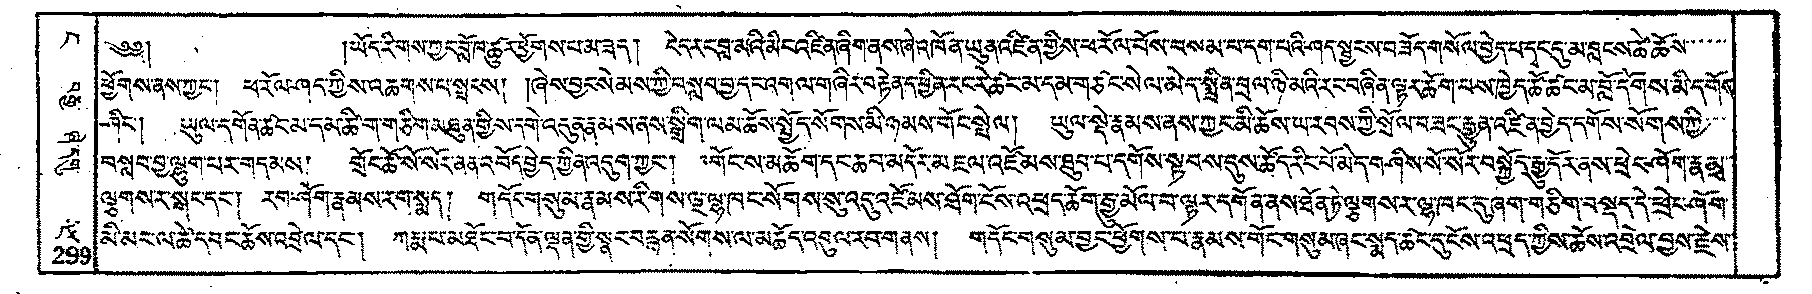༄༅། །ཡོད་རིགས་ཀྱང་བློ་ཁ་ཚུར་ཕྱོགས་པ་མ་ཟད། ངེད་རང་བླ་མའི་མིང་འཛིན་ཞིག་ནས་ཞེ་འཁོན་ཡུན་འཛིན་གྱིས་ཕ་རོལ་པོས་བསམ་པ་དག་པའི་ཤད་སྦྱངས་བཟོད་གསོལ་བྱེད་པ་དྭང་དུ་མ་བླངས་ཚེ་ཆོས་
ཕྱོགས་ནས་ཀྱང་། ཕ་རོལ་ཤད་ཀྱིས་འཆགས་པ་སྤངས། །ཞེས་བྱང་སེམས་ཀྱི་བསླབ་བྱ་དང་འགལ་གཞིར་བརྟེན་ད་ཕྱིན་རང་རེ་ཚང་མ་དམ་གཙང་སེལ་མེད་སྤྲིན་བྲལ་ཉི་མའི་རང་བཞིན་ལྟར་ཆོག་པས་ཁྱེད་ཚོ་ཚང་མ་བློ་དོགས་མི་དགོས་
ཤིང་། ཡུལ་དགོན་ཚང་མ་དམ་ཚིག་གཅིག་མཐུན་གྱིས་དགེ་འདུན་རྣམས་ནས་སྒྲིག་ལམ་ཆོས་སྤྱོད་སོགས་མི་ཉམས་གོང་སྤེལ། ཡུལ་སྡེ་རྣམས་ནས་ཀྱང་མི་ཆོས་ཡ་རབས་ཀྱི་སྲོལ་བཟང་རྒྱུན་འཛིན་བྱེད་དགོས་སོགས་ཀྱི་
བསླབ་བྱ་ལྷུག་པར་གདམས། གྲོང་ཚོ་སོ་སོར་ནན་འབོད་བྱེད་ཀྱིན་འདུག་ཀྱང་། ༧གོང་ས་མཆོག་དང་ཆབ་མདོར་མཇལ་འཛོམས་ཐུབ་པ་དགོས་སྟབས་དུས་ཚོད་རིང་པོ་མེད་གཤིས་སོ་སོར་བསྐྱོད་རྒྱུ་དོར་ནས་ཕྲེང་ཤོག་རྣམས་
ལྕགས་ར་སྒང་དང་། རག་ཤོག་རྣམས་རག་སྨད། གདོང་གསུམ་རྣམས་རིགས་ལྔ་ལྷ་ཁང་སོགས་སུ་འདུ་འཛོམས་ཐོག་ངོས་འཕྲད་ཆོག་རྒྱུ་མོལ་བ་ལྟར་དགོན་ནས་ཐོན་ཏེ་ལྕགས་ར་ལྷ་ཁང་དུ་ཞག་གཅིག་བསྡད་དེ་ཕྲེང་ཤོག་
མི་མང་ལ་ཚེ་དབང་ཆོས་འབྲེལ་དང་། ཀརྨ་པ་མཐོང་བ་དོན་ལྡན་གྱི་སྣང་བརྙན་སོགས་ལ་མཆོད་འབུལ་རབ་གནས། གདོང་གསུམ་བྱང་ཕྱོགས་པ་རྣམས་གོང་གསུམ་ཞང་སྨད་ཚང་དུ་ངོས་འཕྲད་ཀྱིས་ཆོས་འབྲེལ་བྱས་རྗེས་